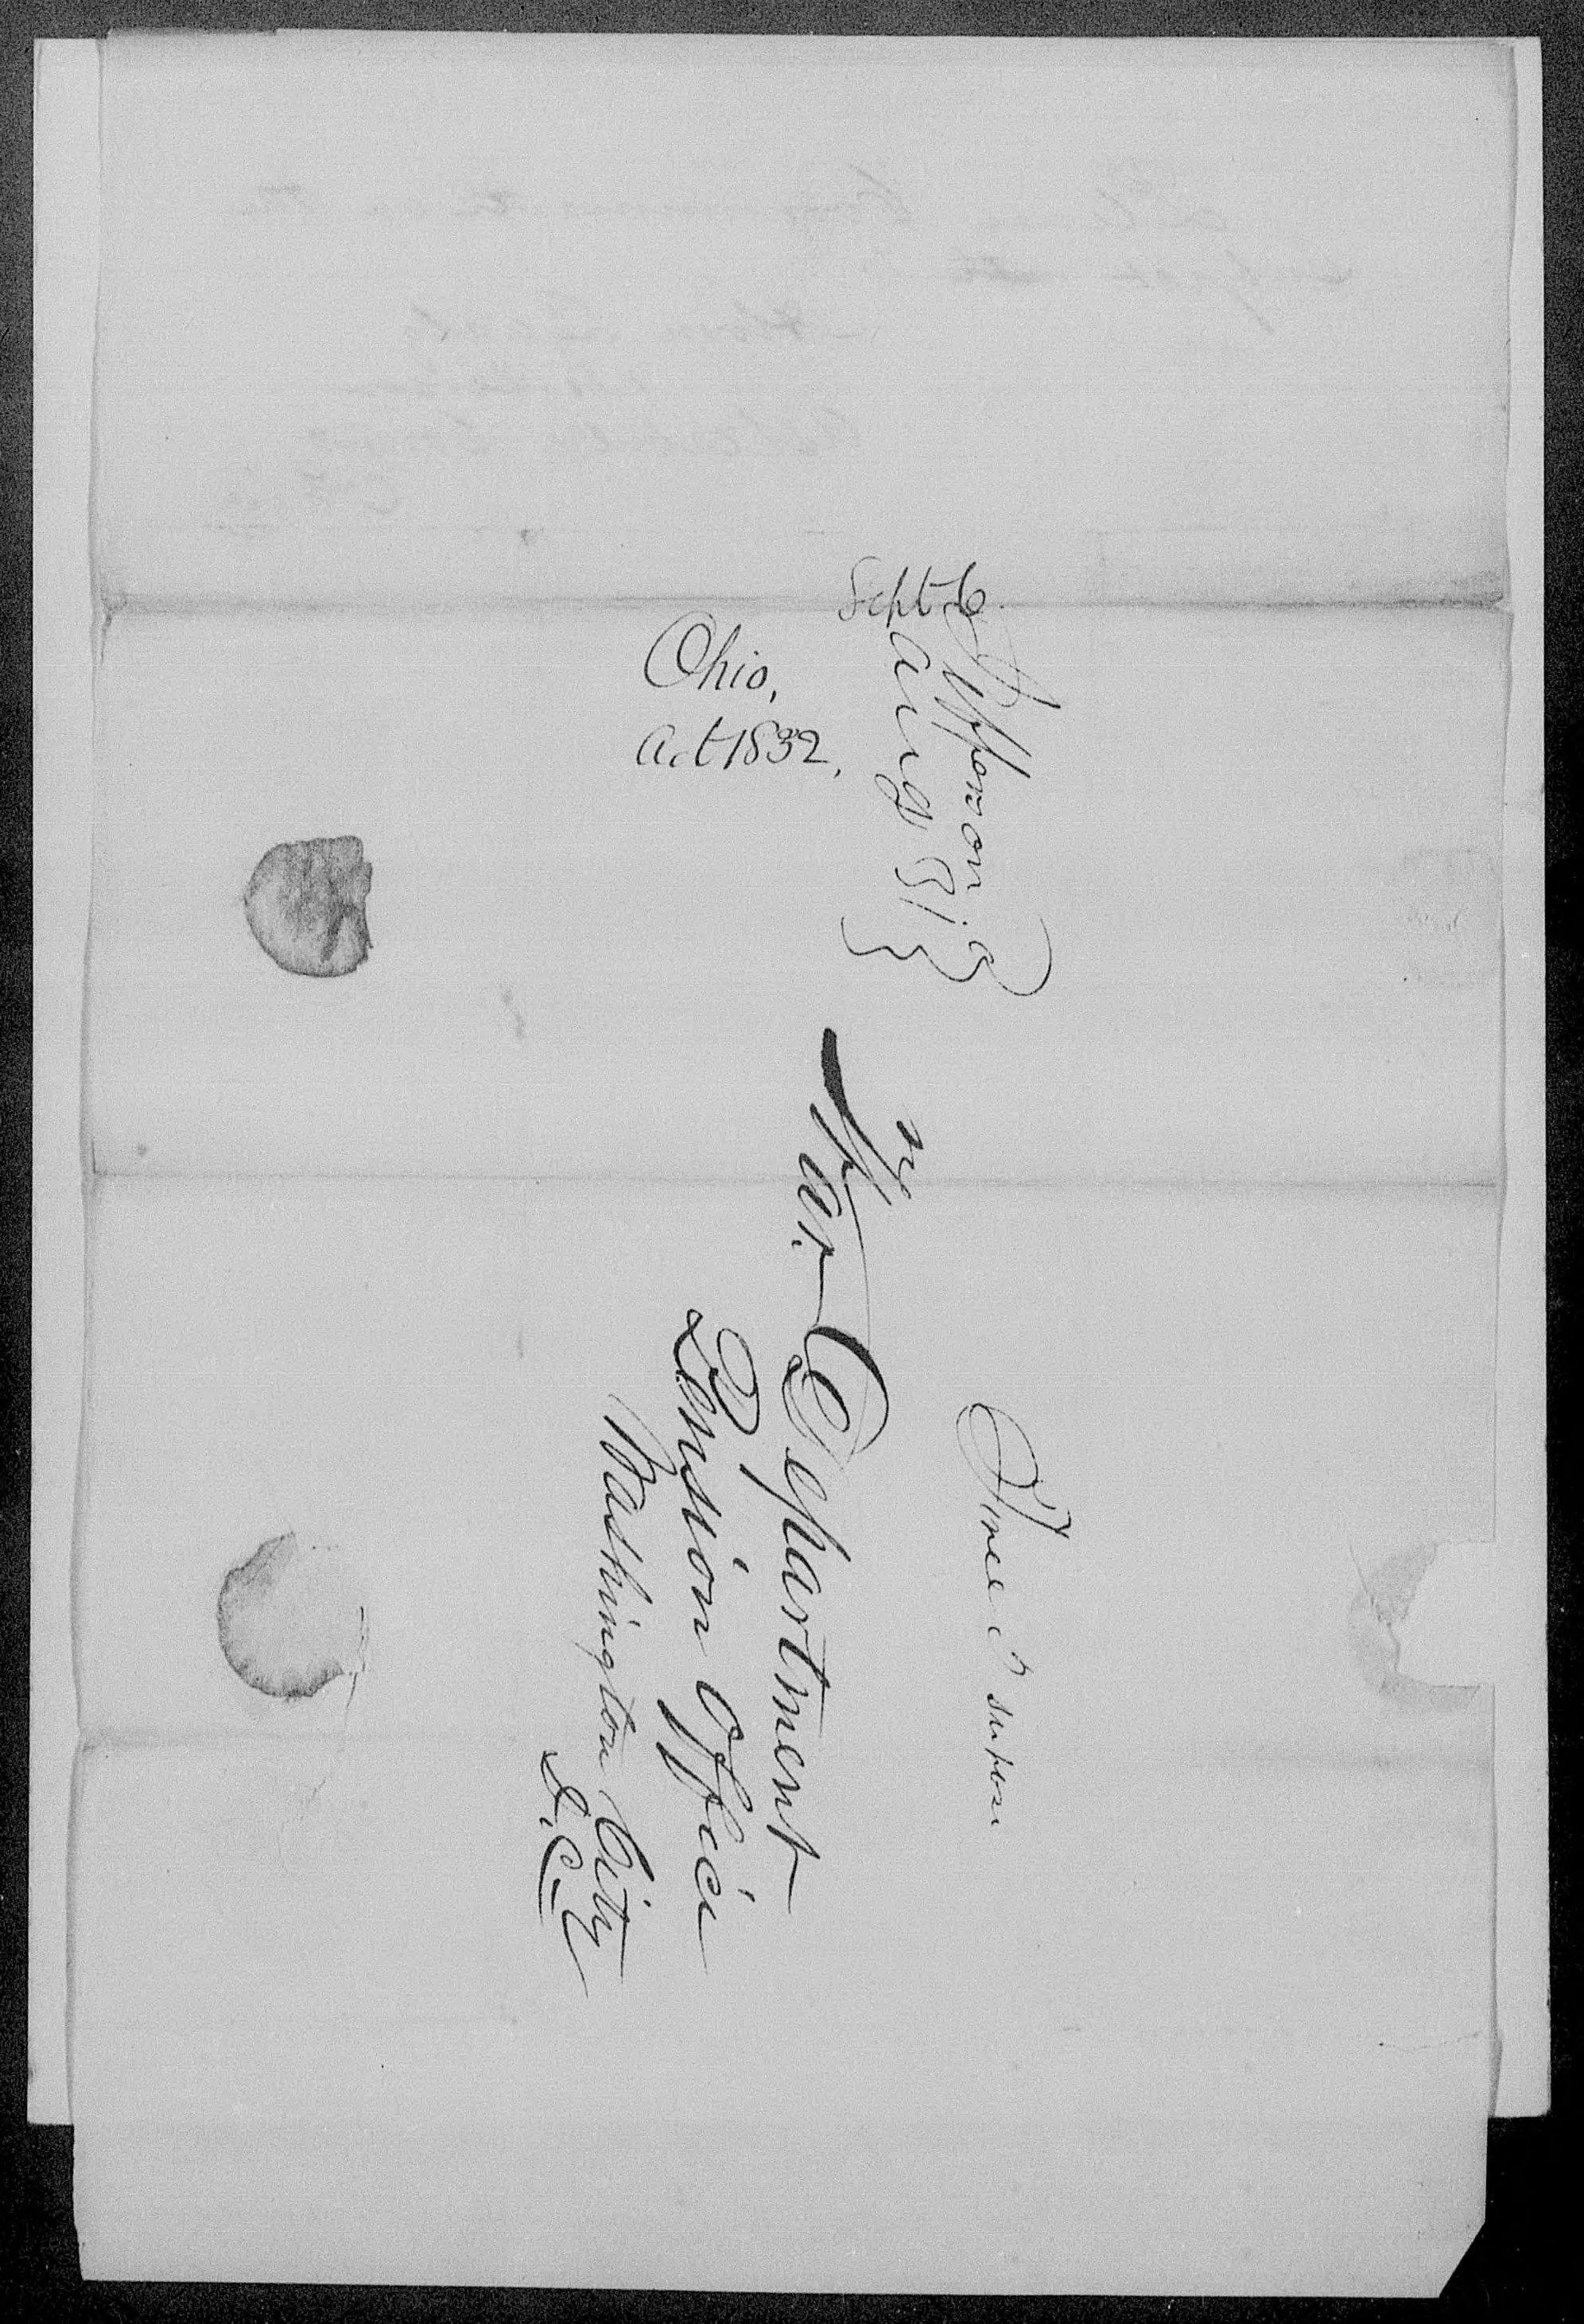Sept 6
Jefferson Aug 31
Ohio 
Act 1832
Free [unreadable]
War Department 
Pension office
Washington City D.C.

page: 27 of 35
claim: rejected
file: R. 501, Phineas Barker, Conn. Privateer